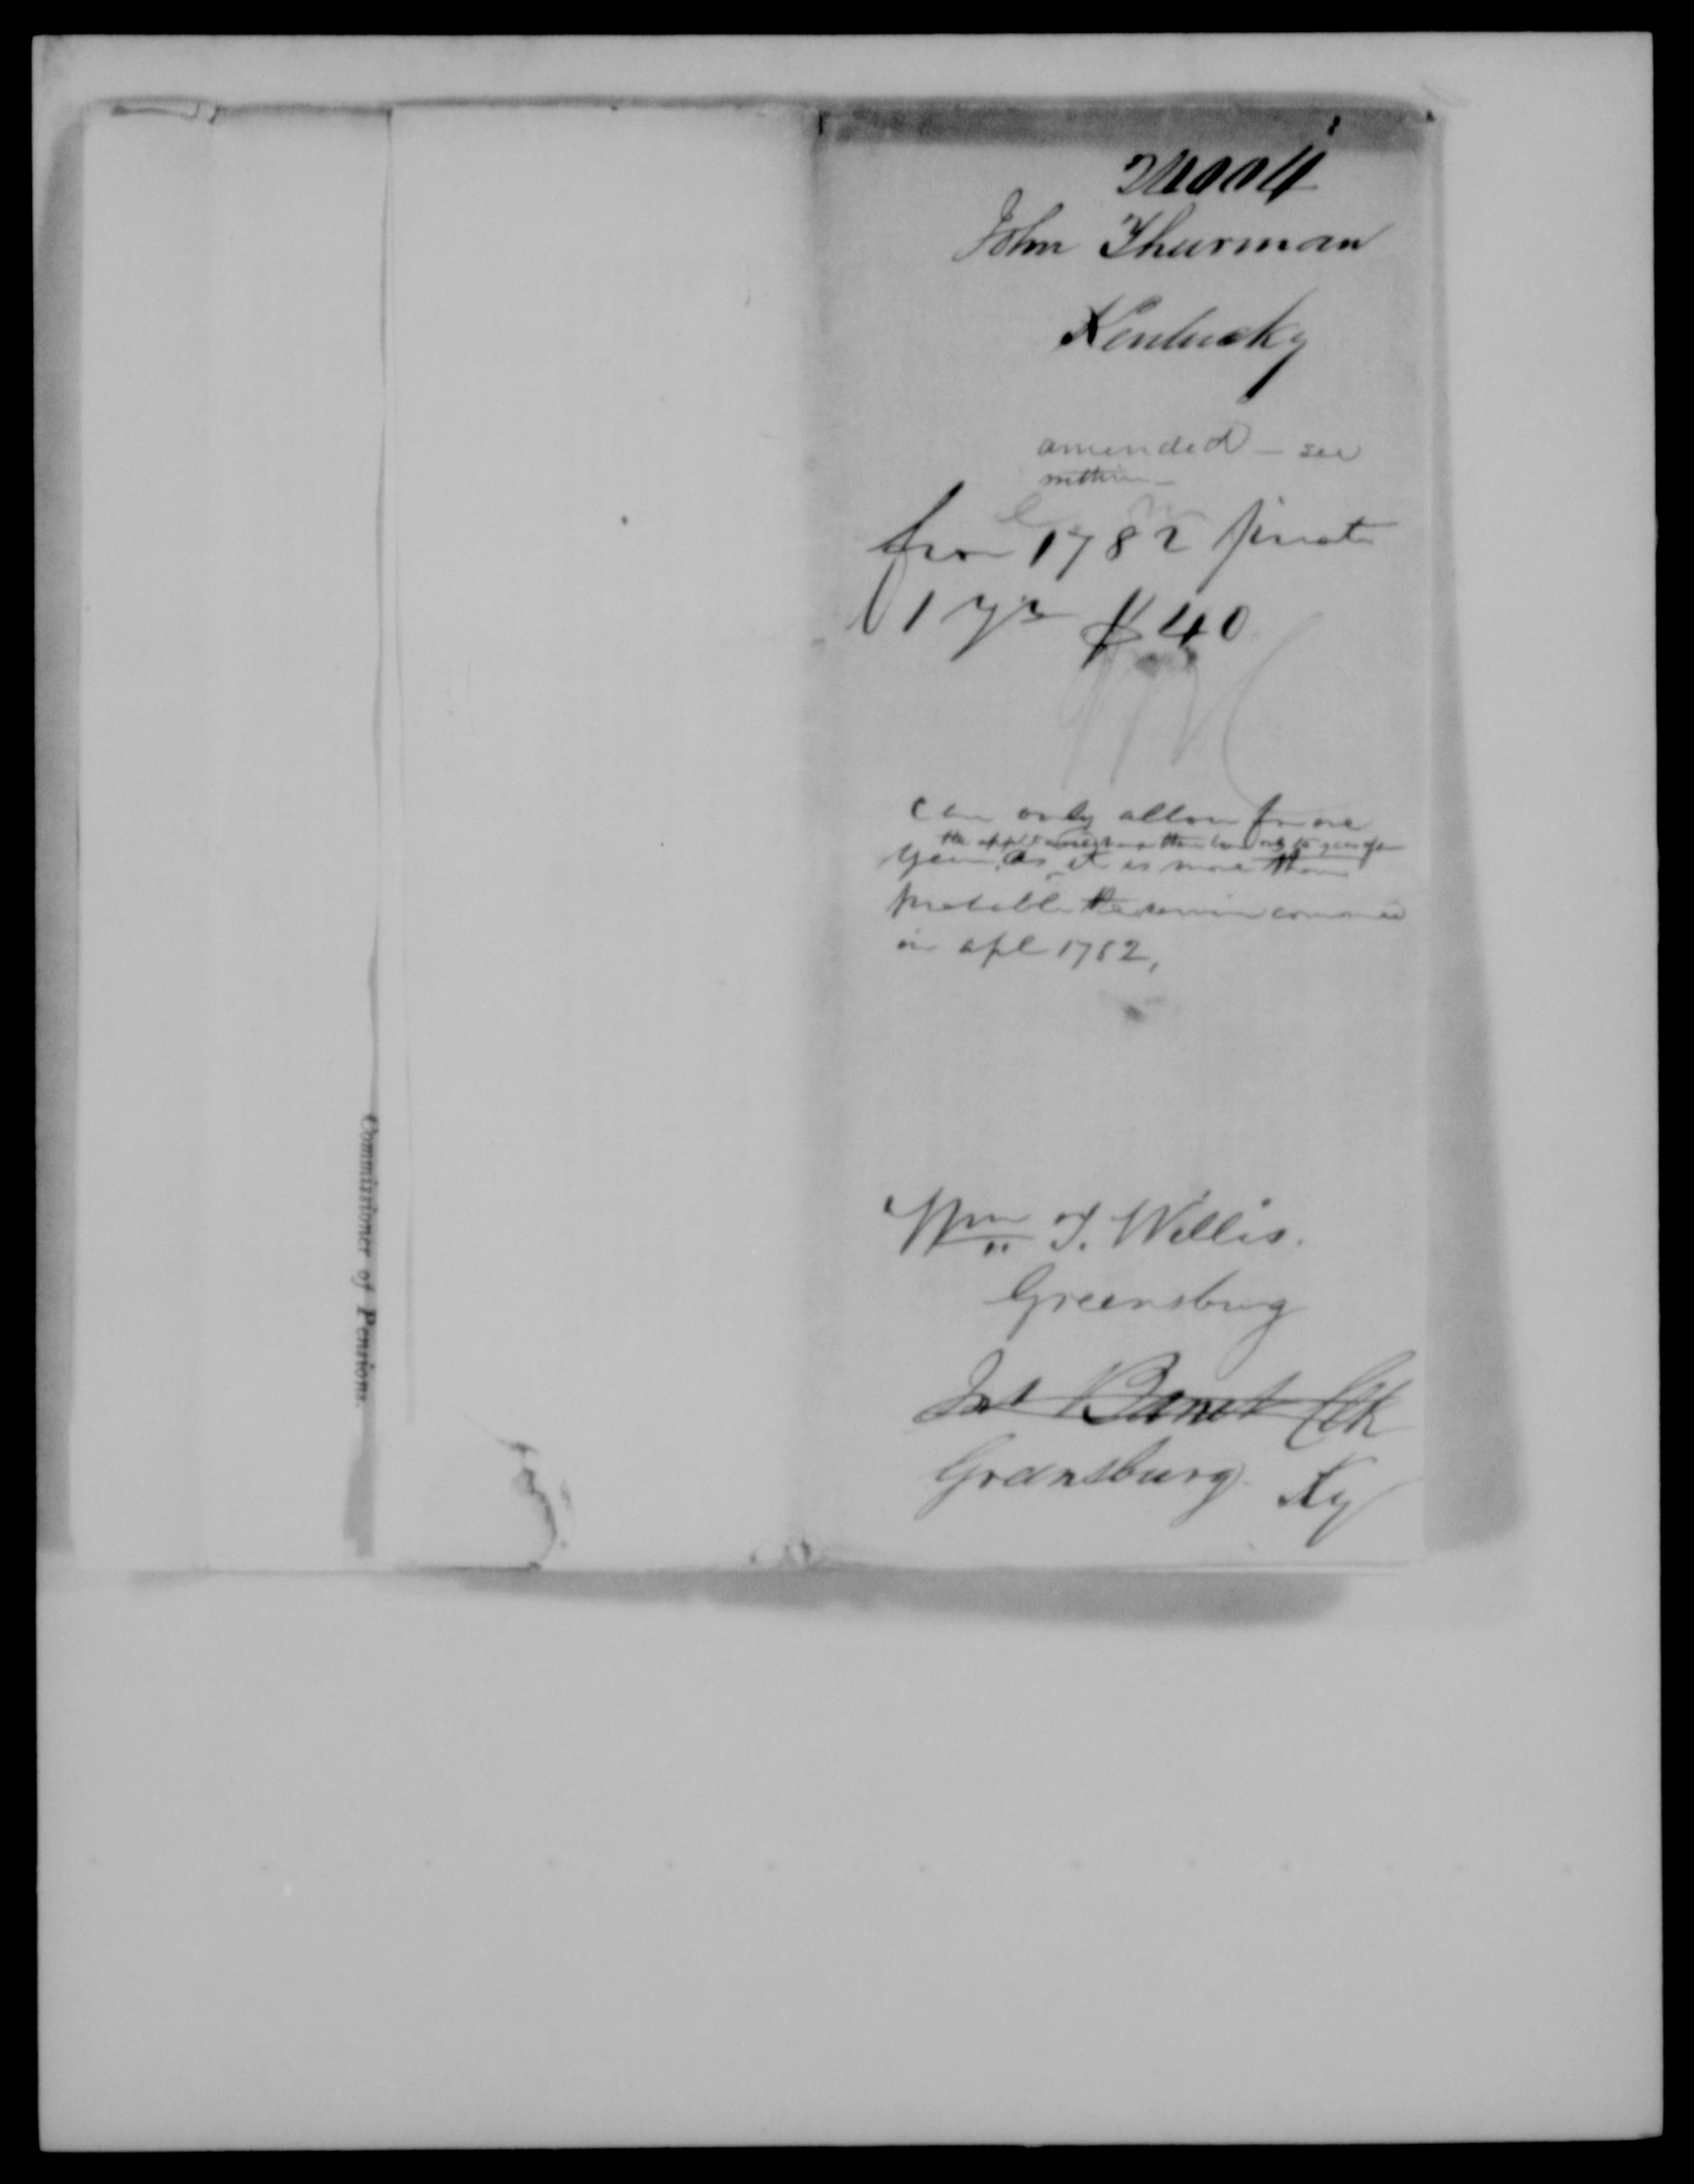N 1004 
John Thurman 
Kentucky  
amended see written  
from 1782 first 
1 yr $40 
Can only allow for one
the applt [illegible] [illegible]
as it is more than
probible 
in apl 1782   
Wm T. Willis 
Greensburg 
Jn Banet Clk
Gransburg Ky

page: 23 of 53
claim: widow's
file: W. 6,267, for John Thurman, Georgia